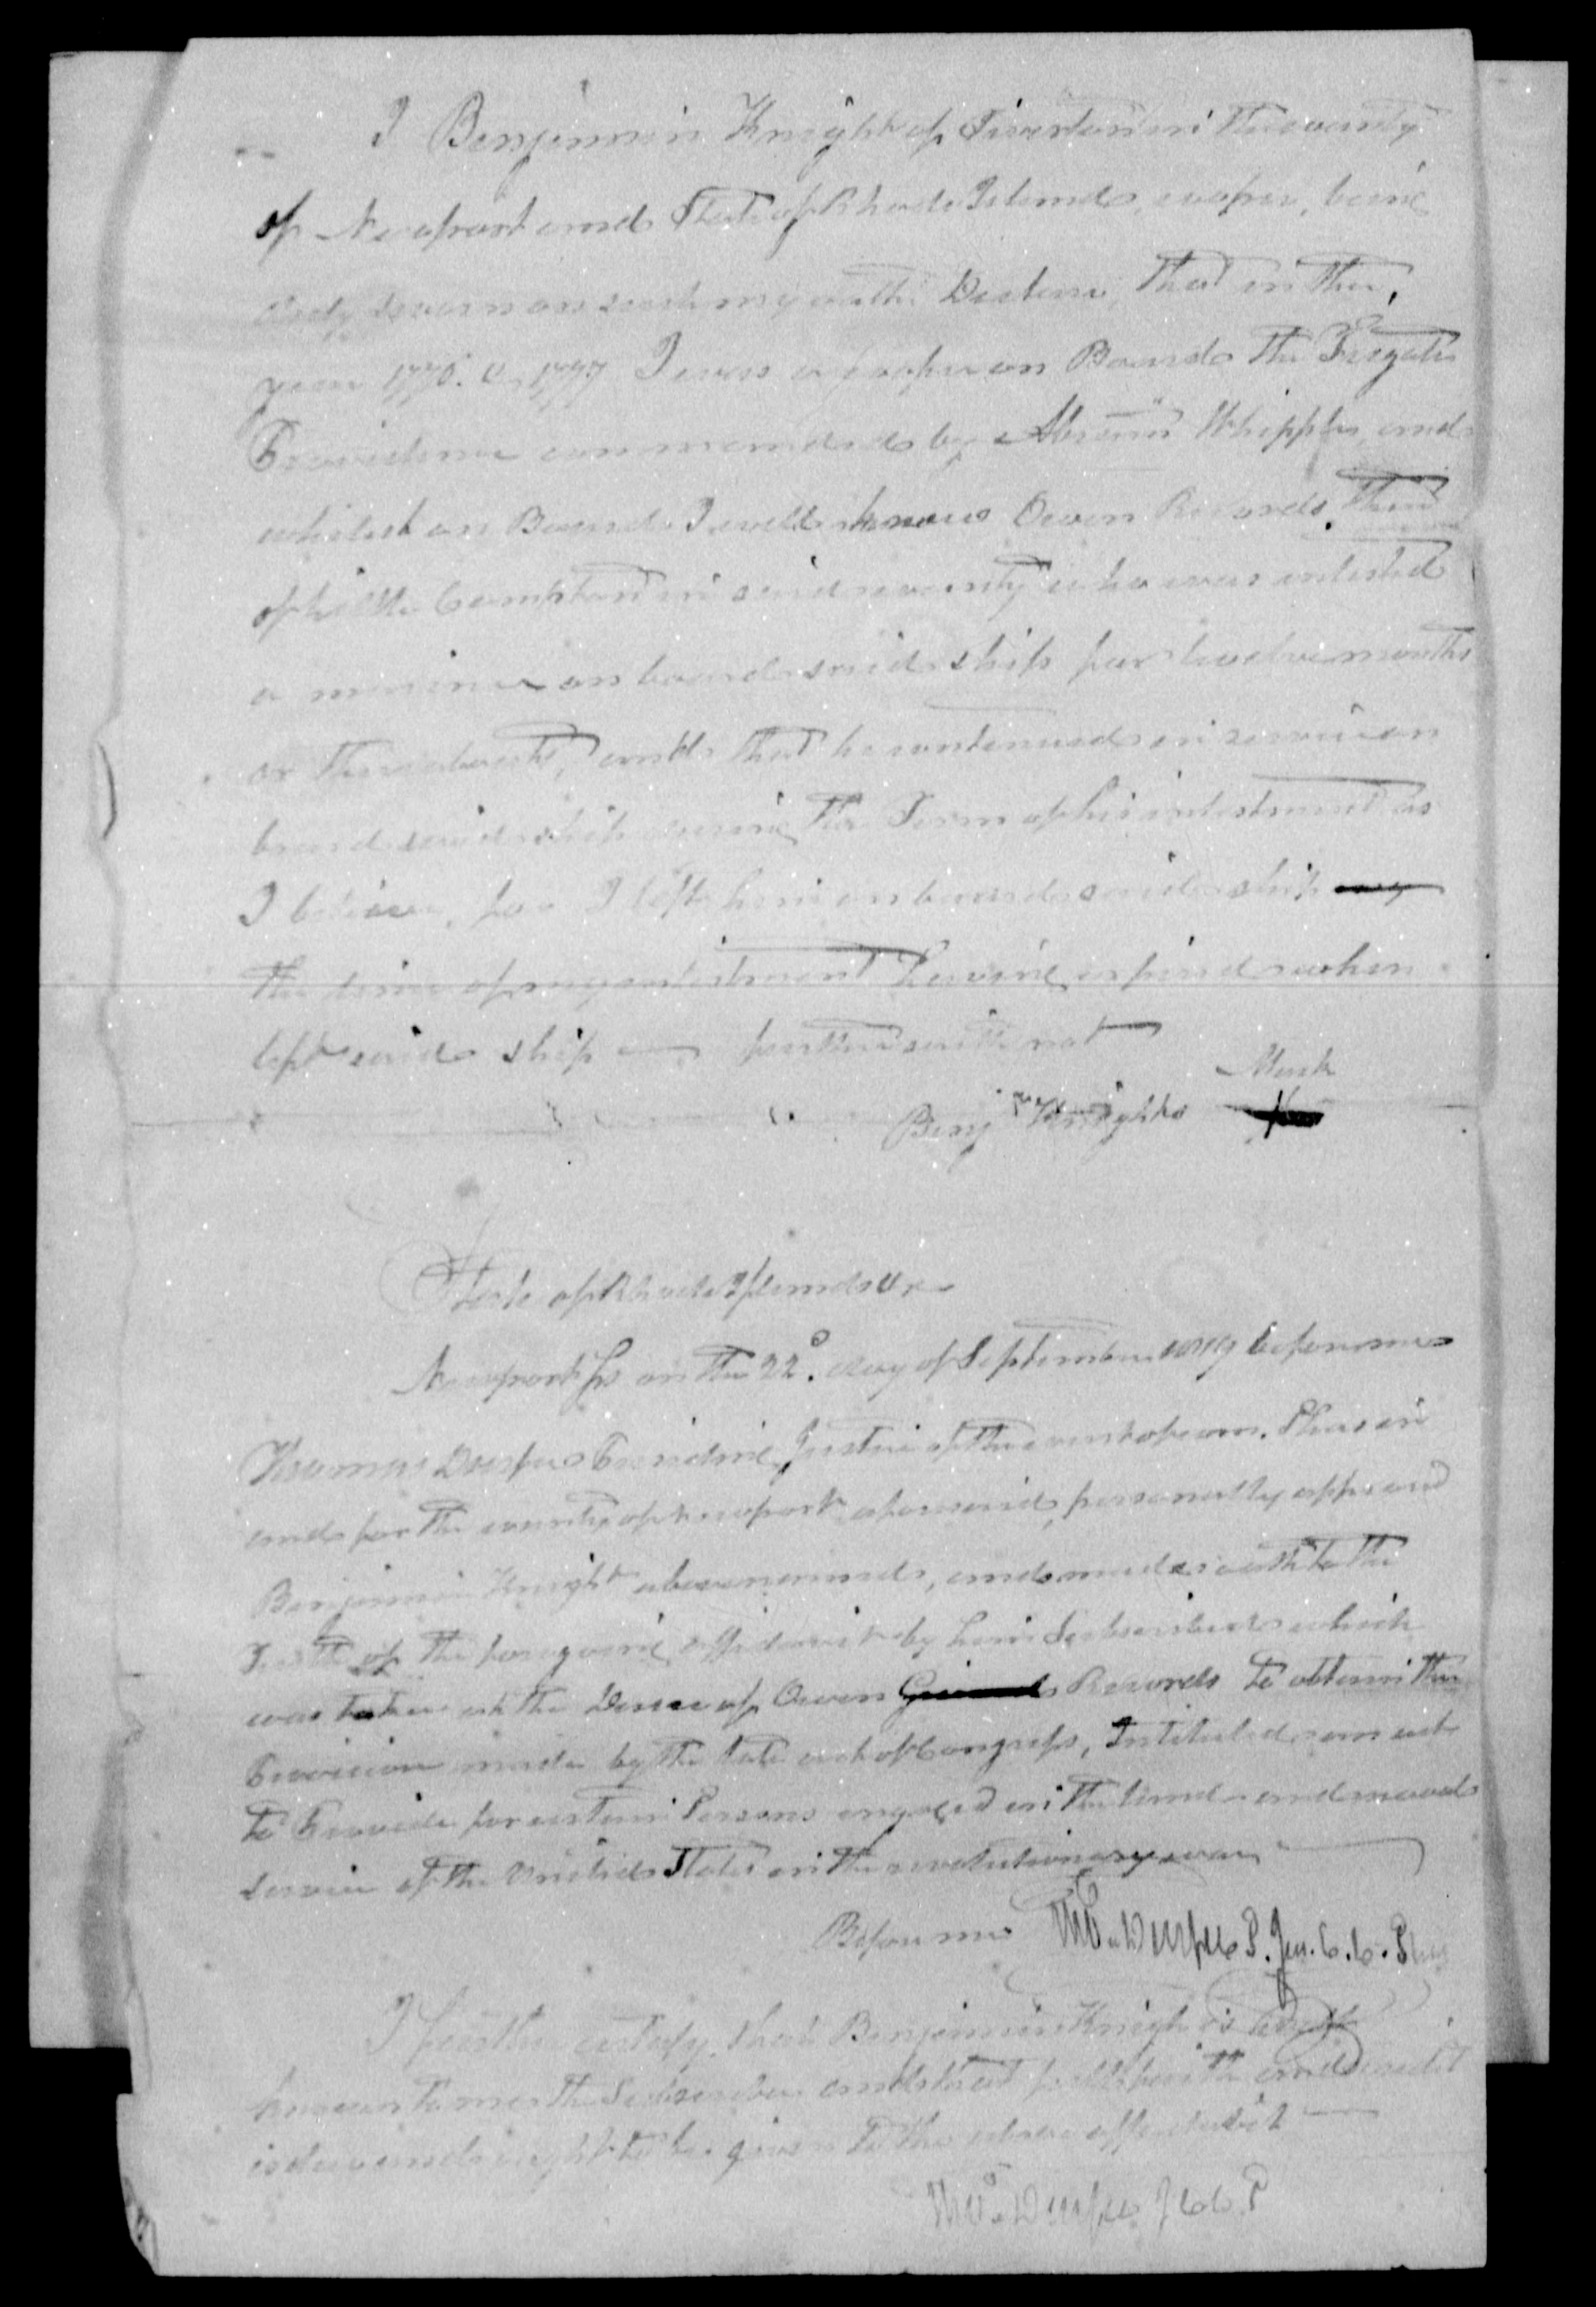I Benjamin Knight of Tiverton in the County
of Newport and State of Rhode Island, [illegible] being duly sworn [illegible] [illegible] my oath declare that in the
years 1776 and 1777 I was a illegible] on Board the Frigate
Providence commanded by Abram Whipples and
Whilesham Bennet. I well know Owen Records then of Willhampton in said county who was enlisted a mariner on board said ship
for twelve months or thereabouts and that he enlisted in service on board said ship during the term of his enlistment I believe for I left him on board said ship- the time of my enlistment having expired when I left said ship- further saith not

Benjamin Knight-his mark

State of Rhode Island Ss
Newport Ss.
On the 22nd  day of September 1849 before me 
Thomas Durfee Considine Justice of the court of common pleas in
and for the County of Newport aforesaid, personally appeared
Benjamin Knight abovenamed, and made oath to the truth 
of the foregoing affidavit by him subscribed which
was taken in the desire of Owen Record to obtain
provision made by the late act of Congress, entitled
to provide for certain persons engaged in the time and
service of the United States in the revolutionary war
Before me Thomas Durfee Justice of the Court of Common Pleas

I further certify that Benjamin Knight is well known to me the subscriber and that full faith and credit is due 
and ought to be given to the [illegible] appended
Thomas Durfee Justice of the Court of Common Pleas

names: Thos Durfee; Thomas Durfee; Benjamin Knight; Benjamin Knight; Benjamin Knight; Owen Records; Owen Records; Benjn Knight; Abram Whipple; Bonnet Bowell; Thos Durfee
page: 12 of 12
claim: survivor's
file: S. 41977, for Owen Records, Rhode Island